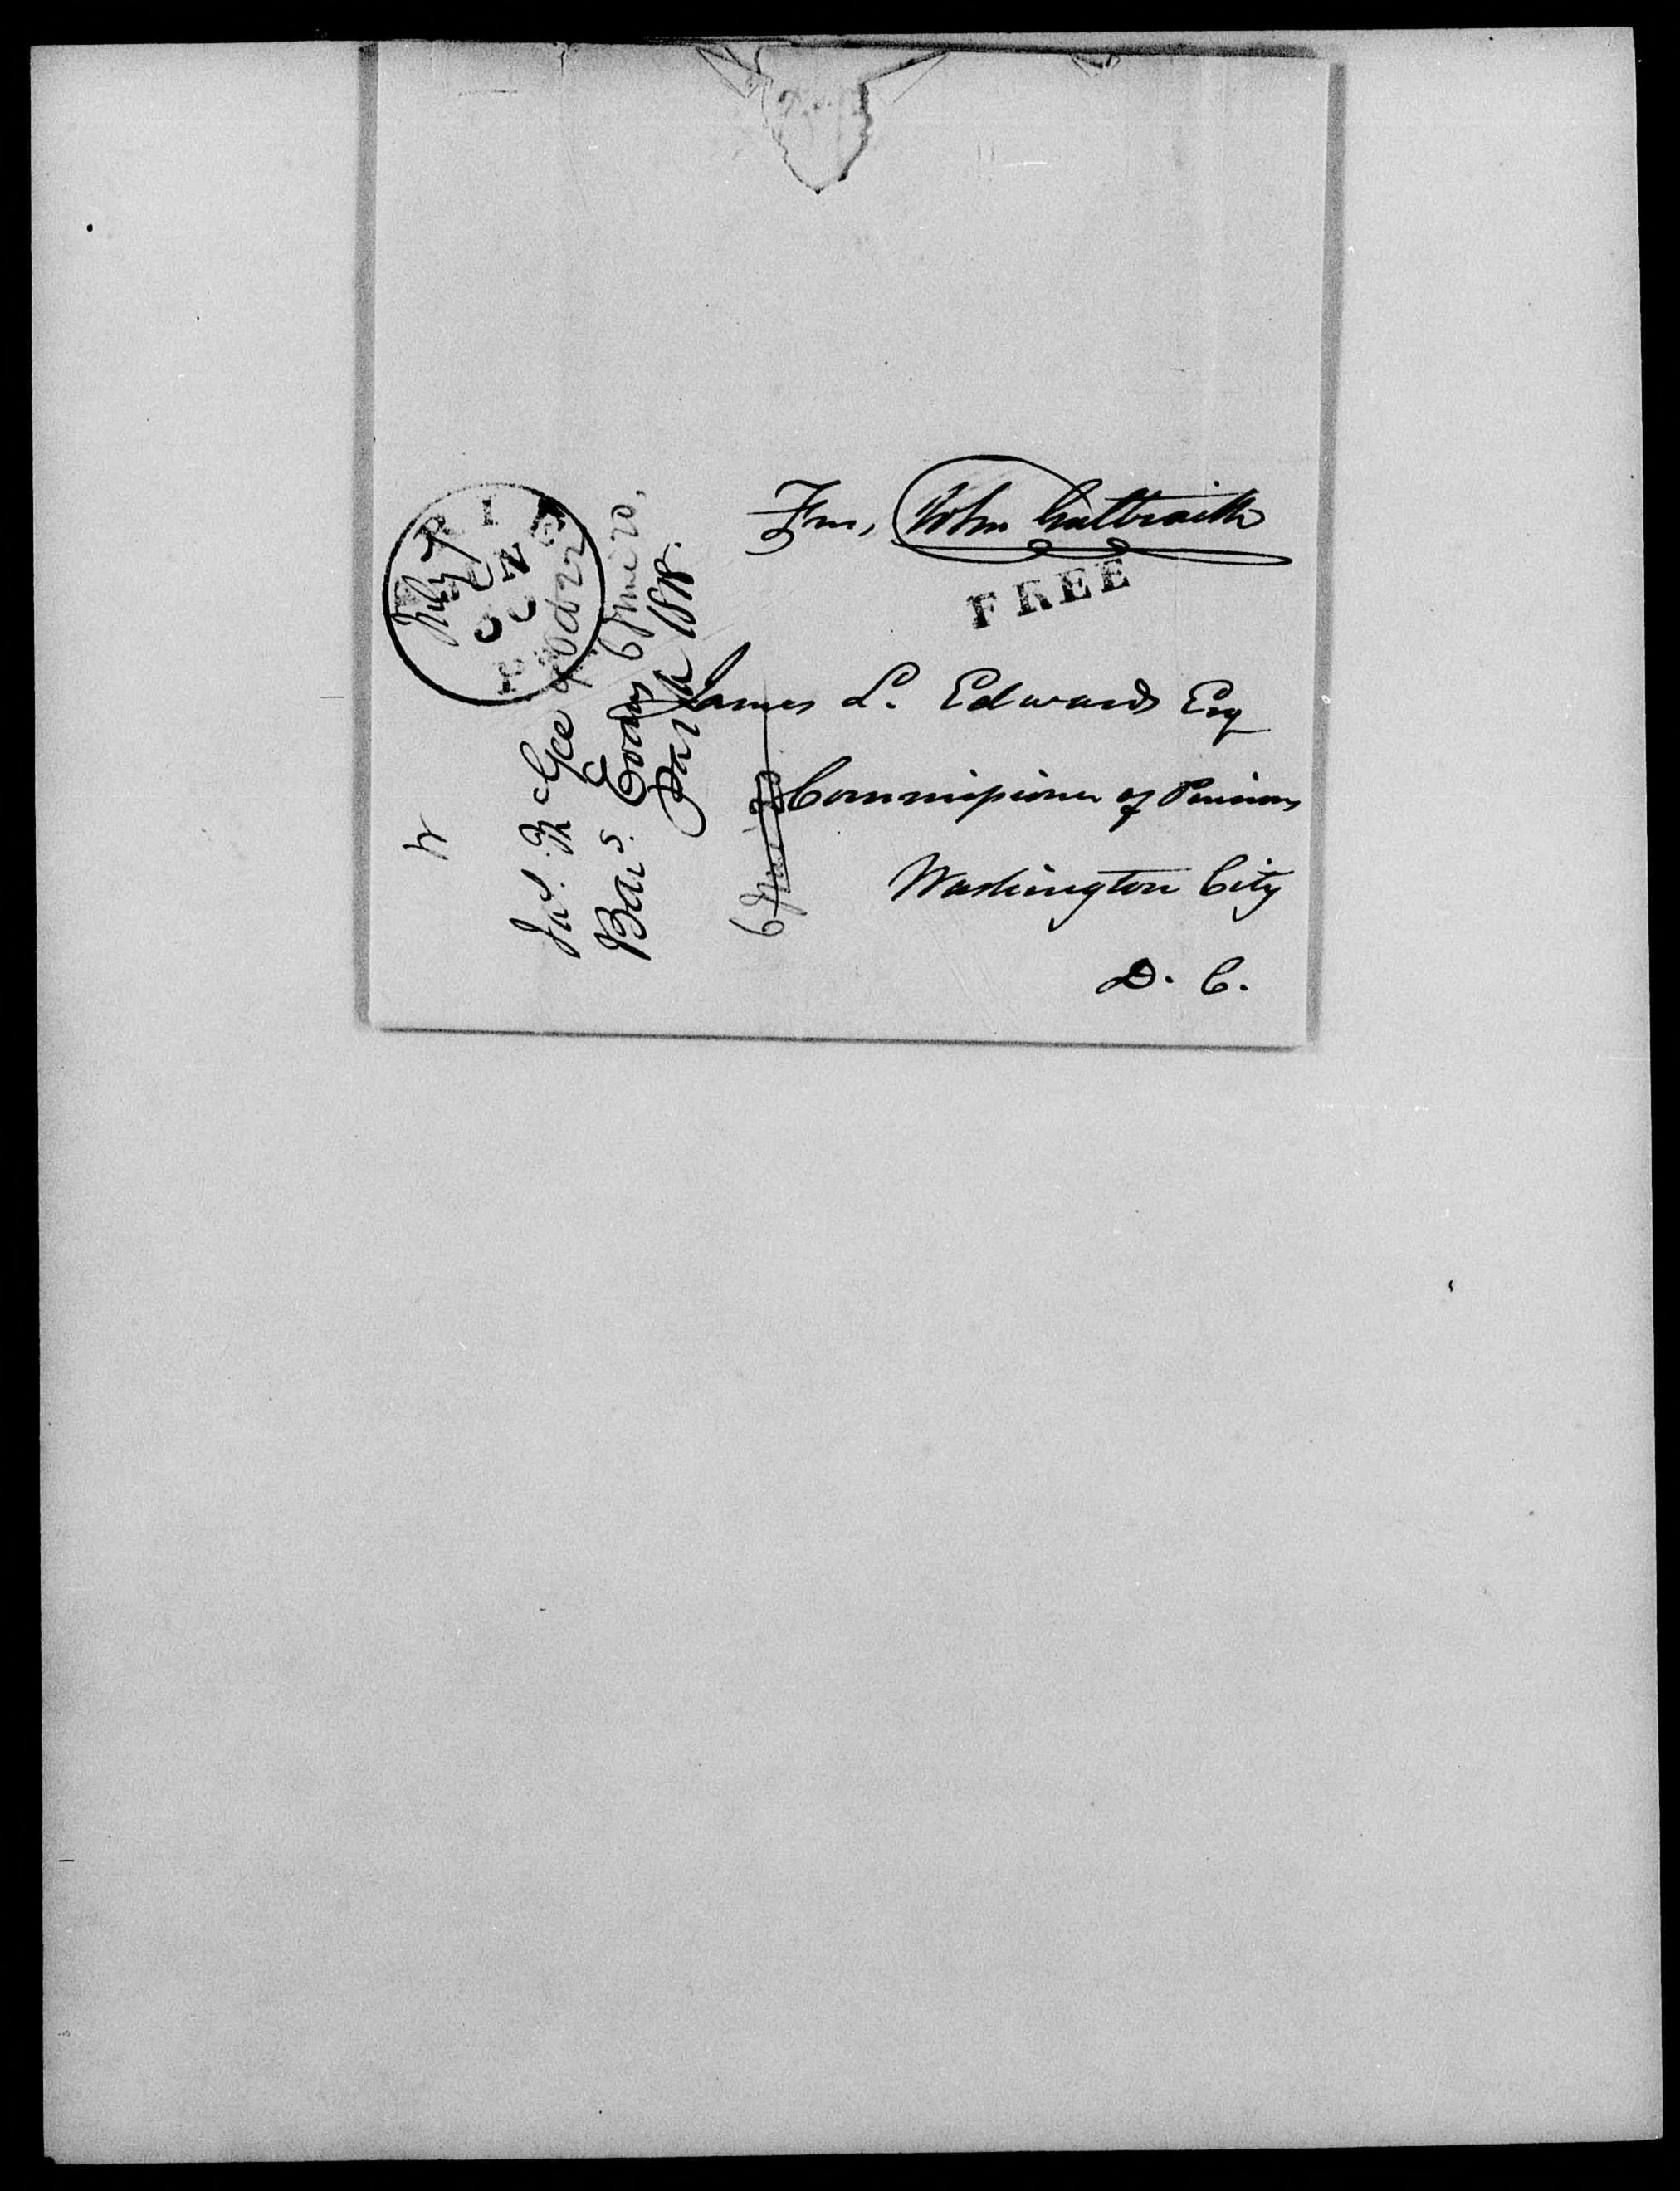From, John. Galbraith
Free
Postmark Jun 30

James L. Edwards Esq
Commissioner of Pensions
Washingotn City
D.C.

(vertical0
James McGee 90022
Bars. Gooden 6 June 20
[illegible] 1818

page: 20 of 77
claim: widow's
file: W 2954, for James Mc Gee, Delaware